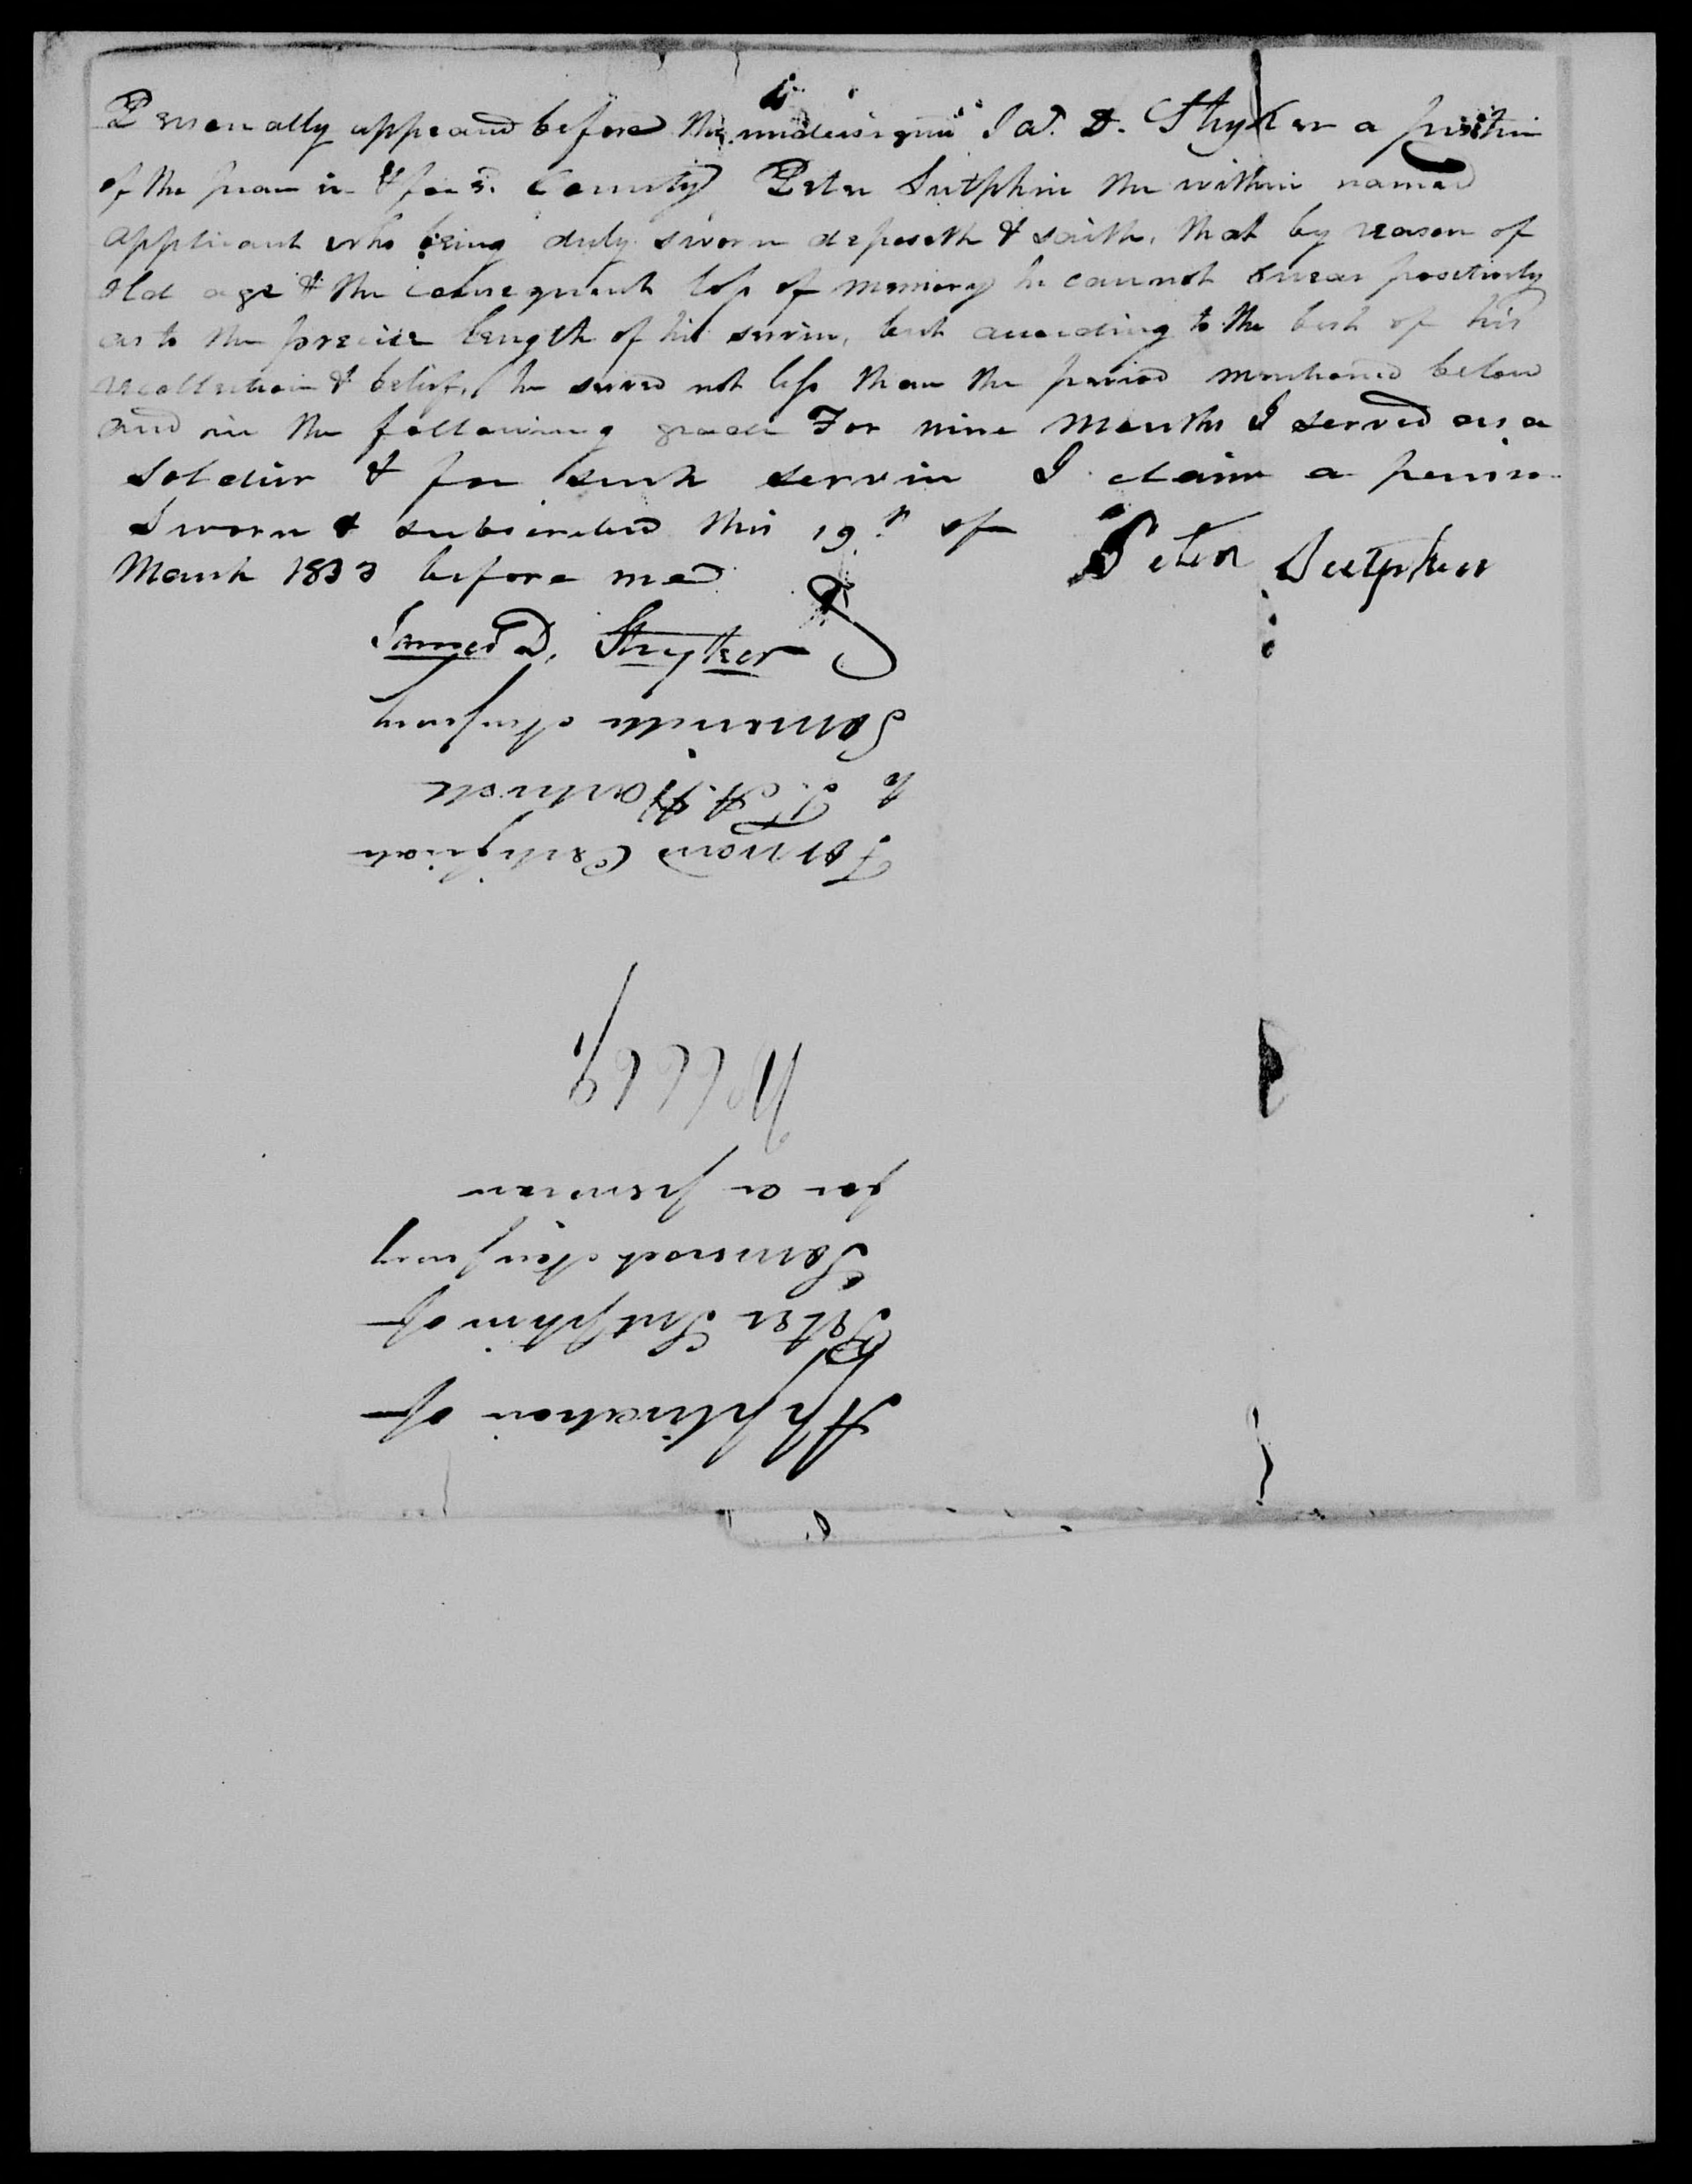Personally appeared before the undersigned Jurat D. Thyhar, a Justice of the Peace in aforesaid County, Peter Sutphin, the within named  applicant, who being duly sworn deposeth & saith that by reason of old age and the consequent loss of memory he cannot swear positively as to the precise length of his service, but according to the best of his recollection & belief he served not less than the period mentioned below and in the following grades. For nine months I served as a soldier & for said services I claim a pension.
s/ Peter Sutphin

Sworn & subscribed this Nineteenth of March 1833 before me.
s/ James D. Stryker

Application of Peter Sutphin of Somerset, New Jersey for a pension. 
W6669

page: 7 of 14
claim: survivor's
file: S. 1119, for Peter Sutphen, New Jersey